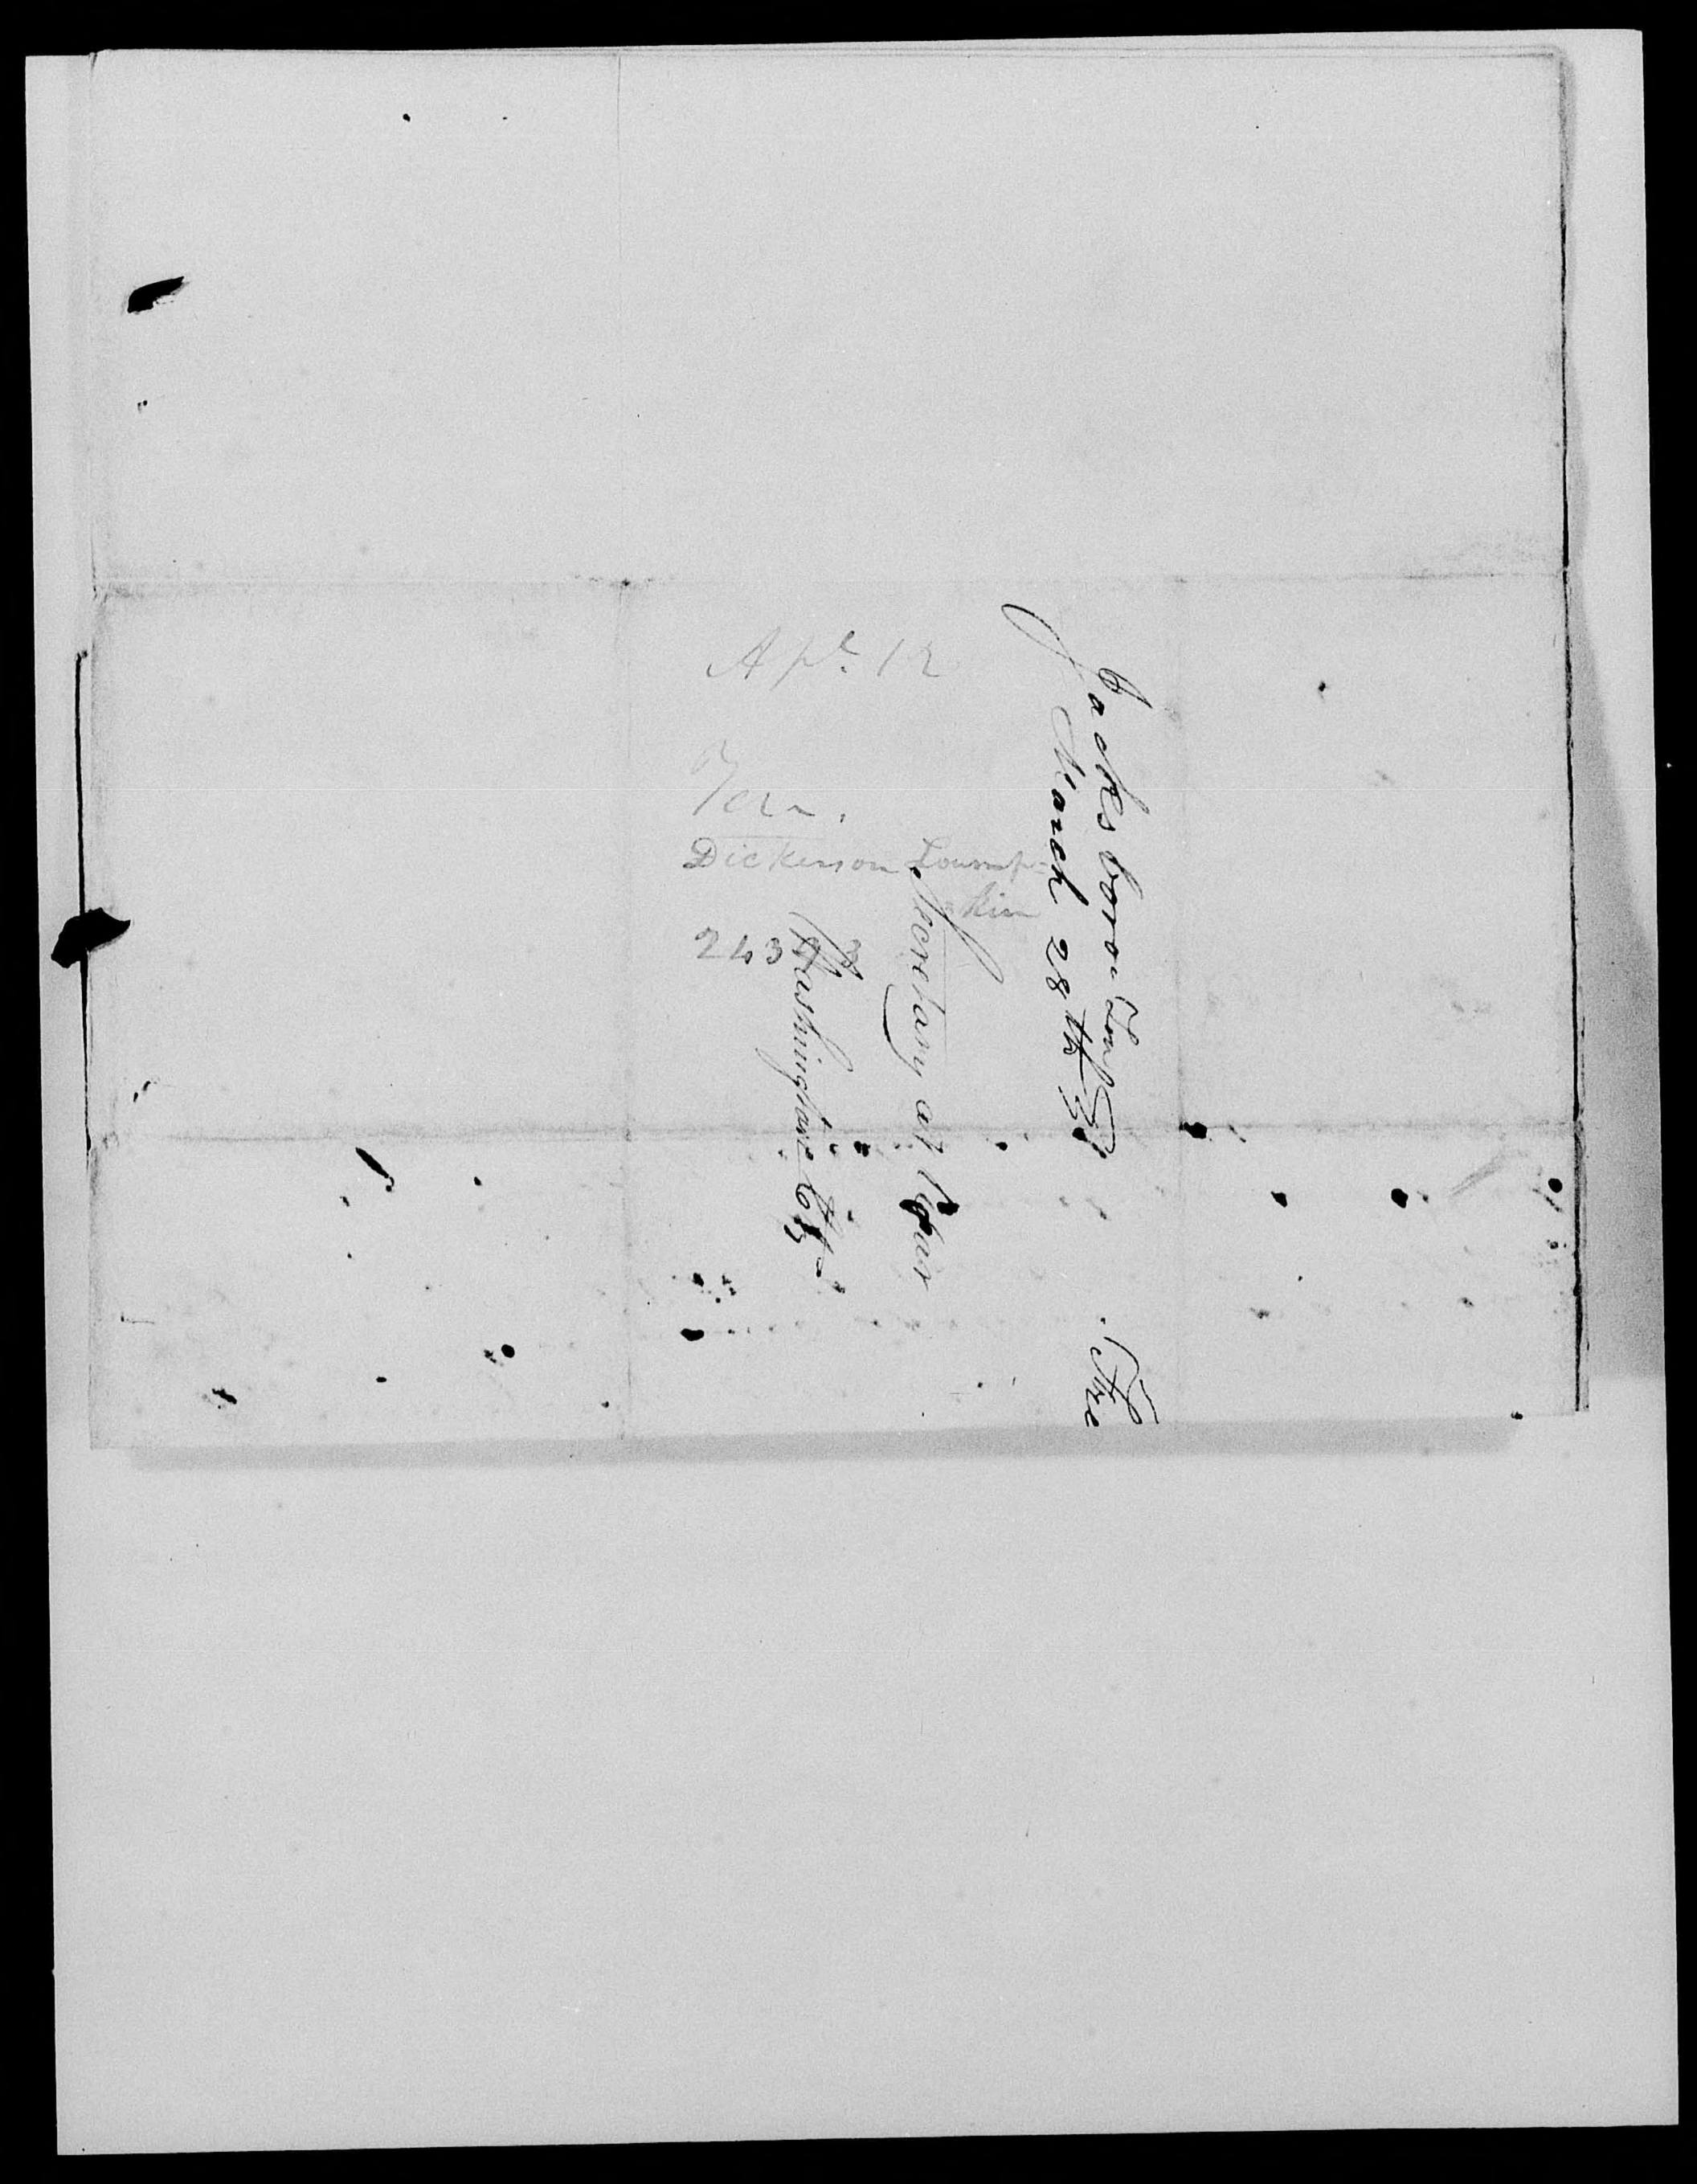(Handwritten document)

Apr. 12
Ten.
Dickeson Loumpkin
24393

(Handwritten, vertically on document follows)

Jacksboro Ten
March 28th  Fre
Secretary of War
Washington City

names: Dickerson Loumpkin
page: 3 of 37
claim: rejected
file: R. 6521, for Dickeson Lumpkin, Pennsylvania